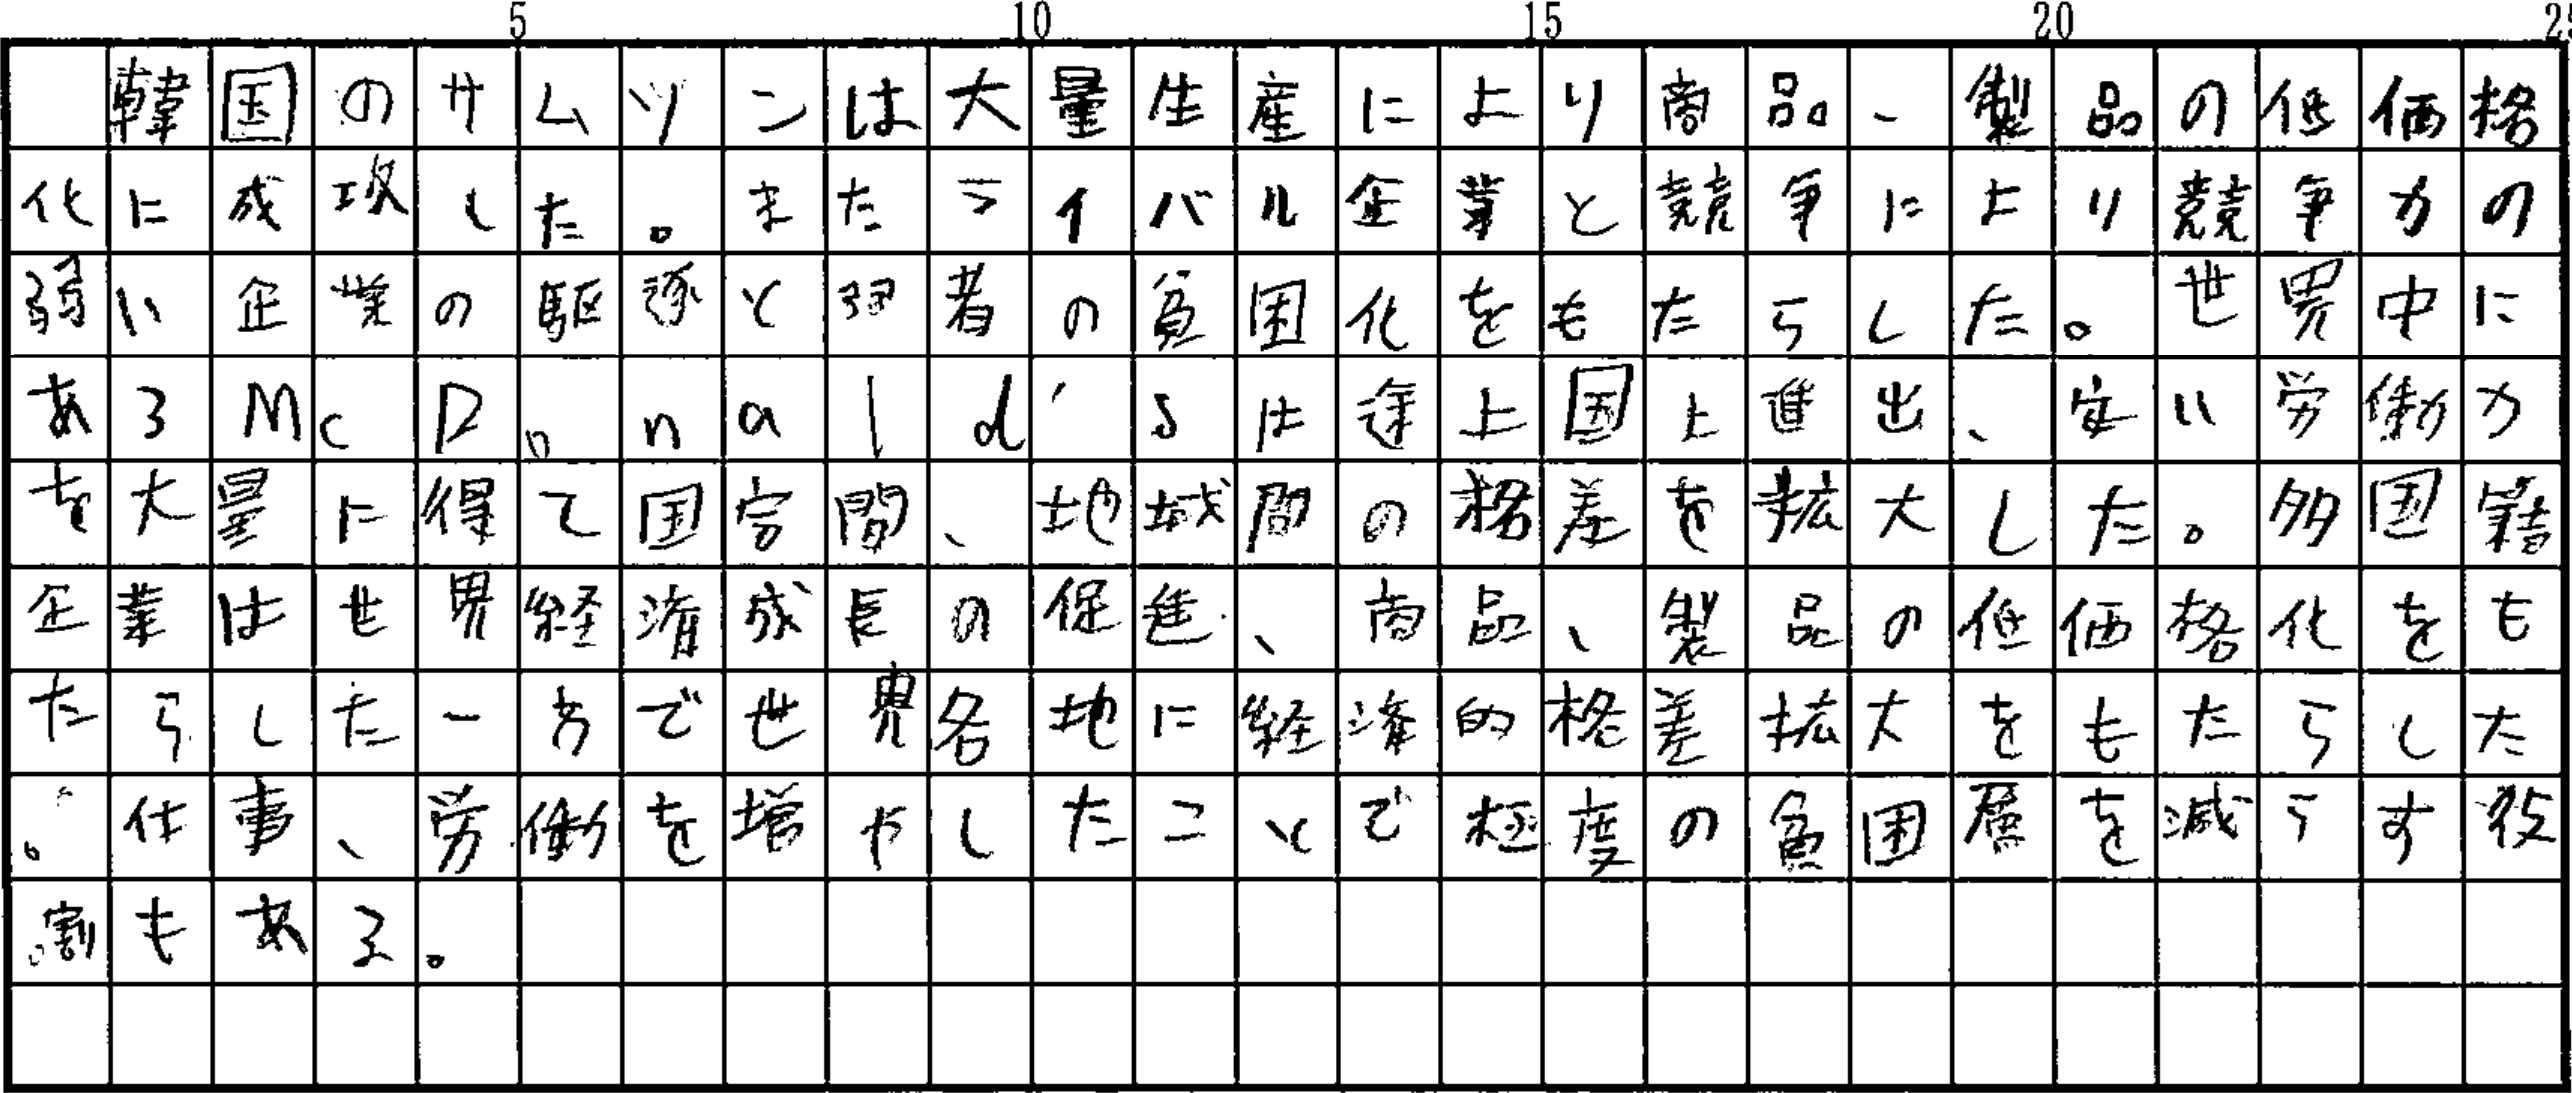　韓国のサムソンは大量生産により商品、製品の低価格化に成攻した。またライバル企業と競争により競争力の弱い企業の駆逐と弱者の貧困化をもたらした。世界中にあるＭｃＤｏｎａｌｄ’ｓは途上国に進出、安い労働力を大量に得て国▁間、地域間の格差を拡大した。多国籍企業は世界経済成長の促進、商品、製品の低価格化をもたらした一方で世界各地に経済的格差拡大をもたらした。仕事、労働を増やしたことで極度の貧困層を減らす役割もある。
